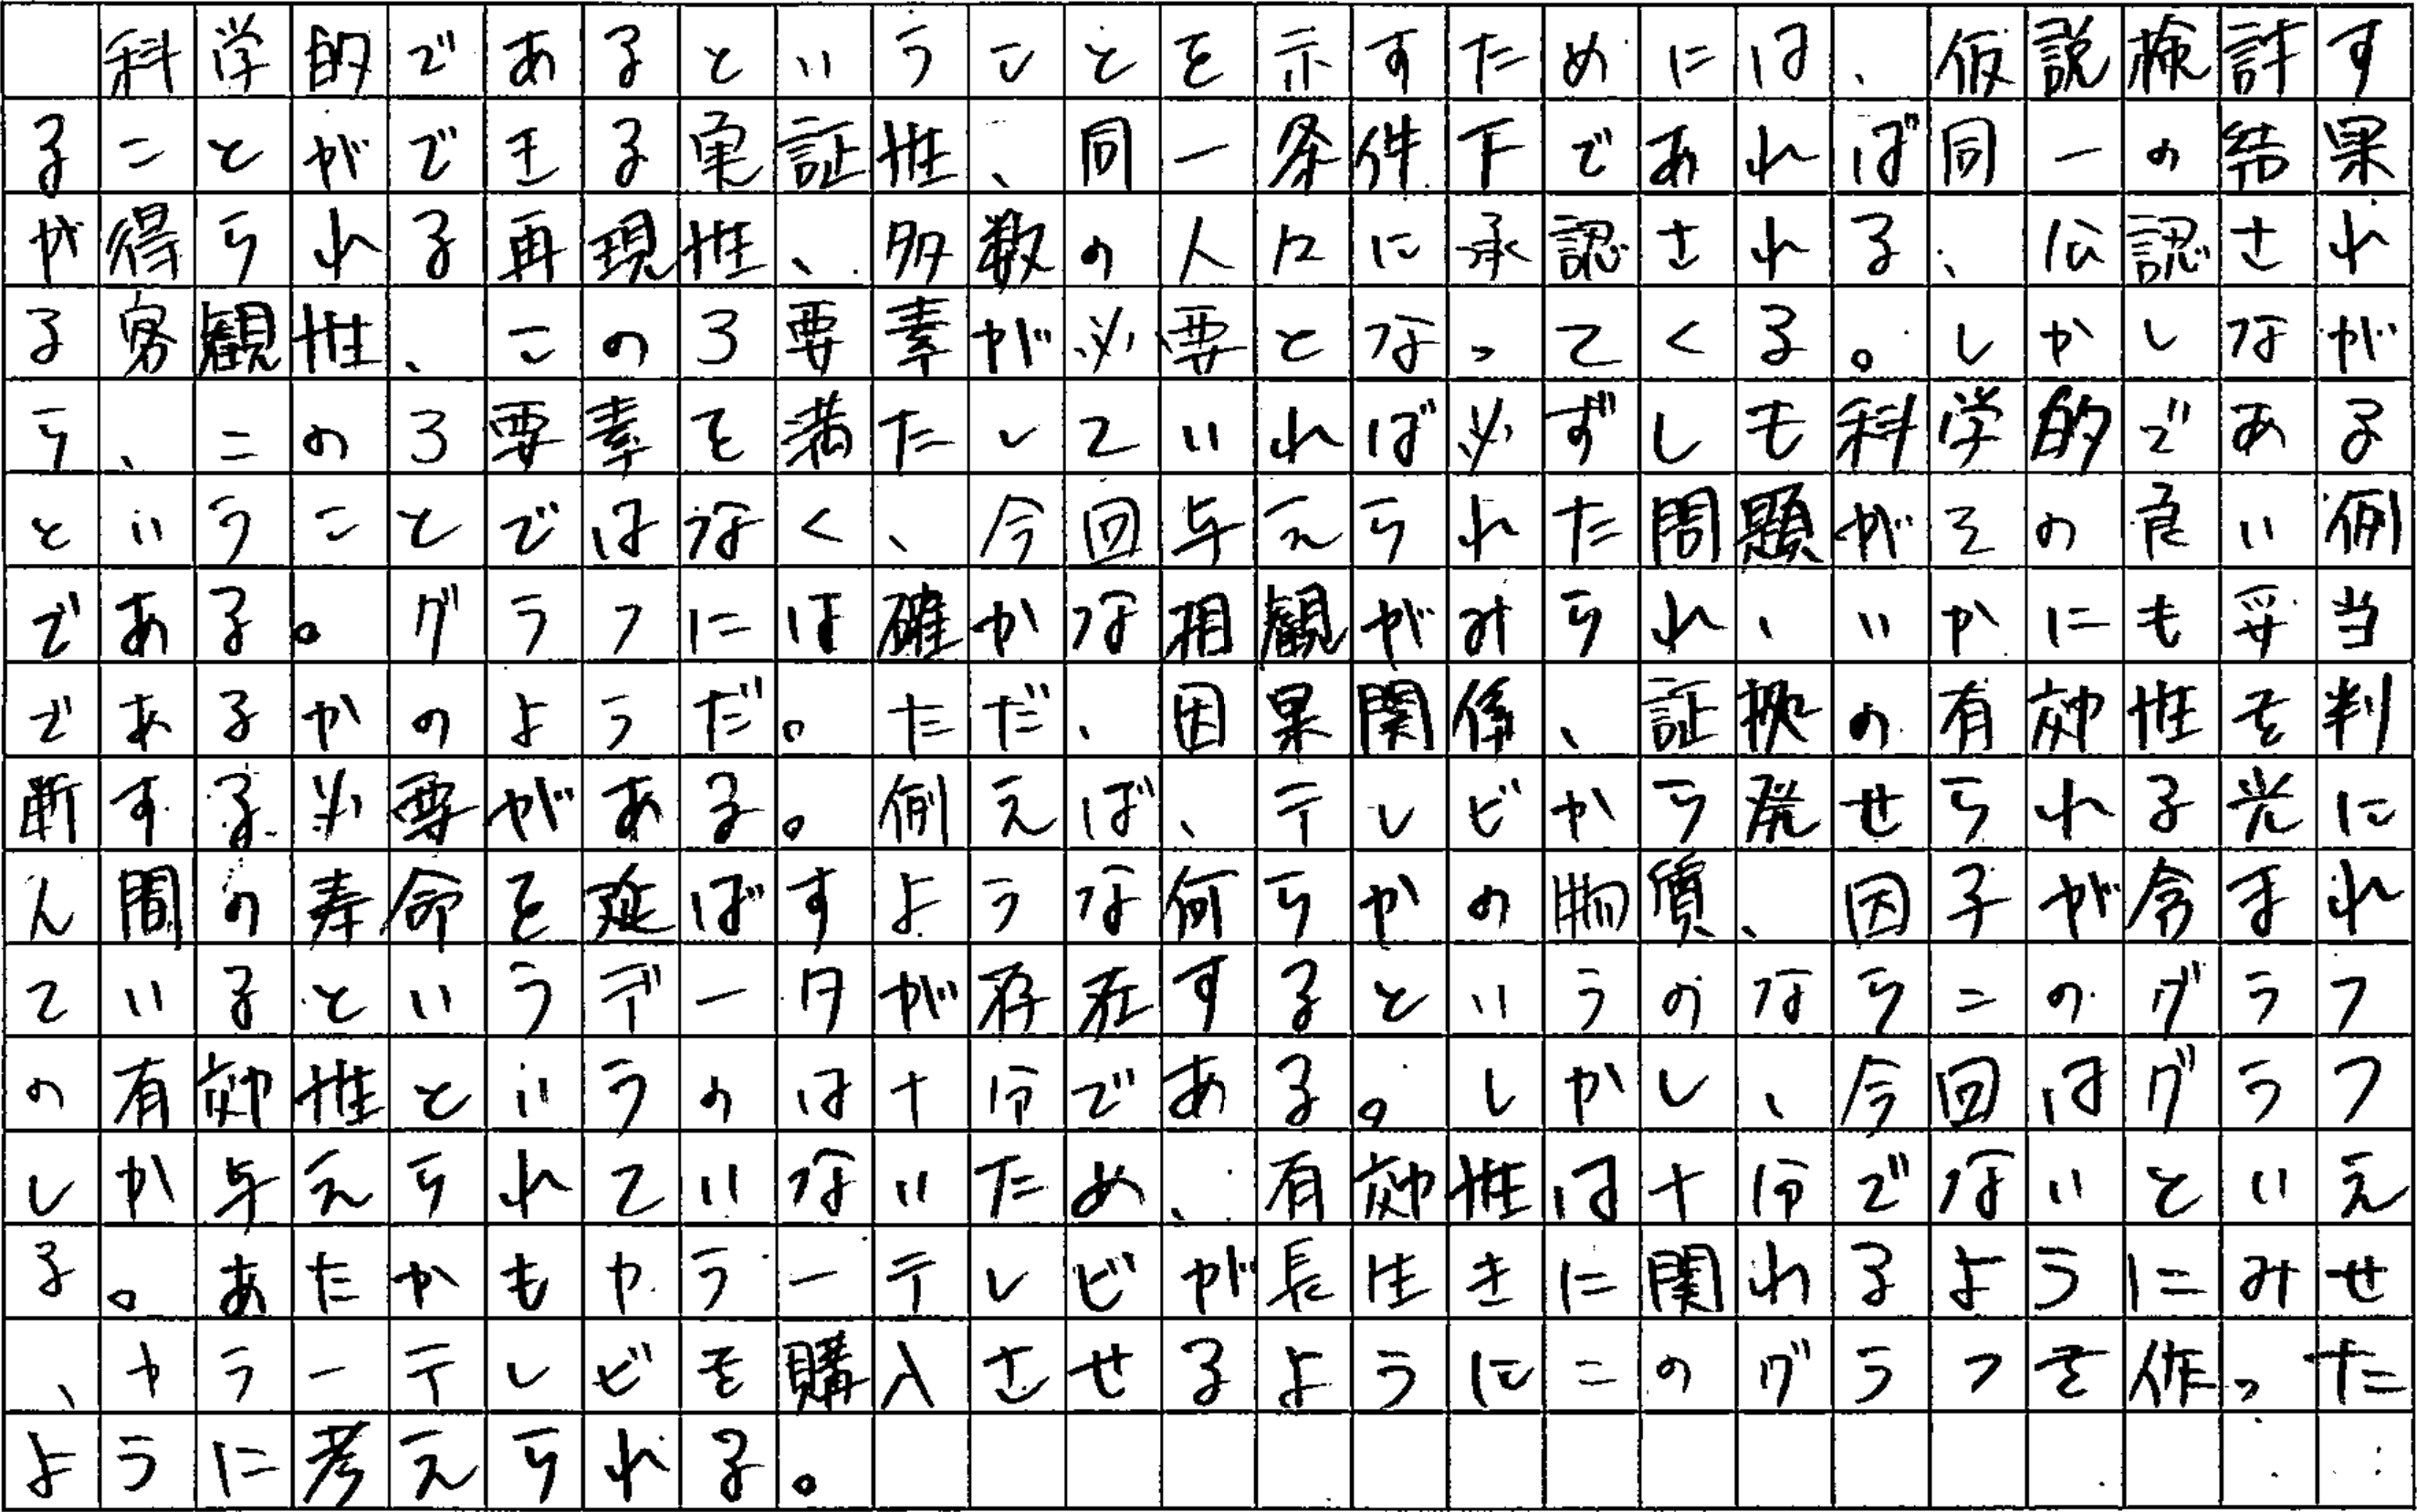　科学的であるということを示すためには、仮説検討することができる実証性、同一条件下であれば同一の結果が得られる再現性、多数の人々に承認される、公認される客観性、この３要素が必要となってくる。しかしながら、この３要素を満たしていれば必ずしも科学的であるということではなく、今回与えられた問題がその良い例である。グラフには確かな相観がみられ、いかにも妥当であるかのようだ。ただ、因果関係、証拠の有効性を判断する必要がある。例えば、テレビから発せられる光に人間の寿命を延ばすような何らかの物質、因子が含まれているというデータが存在するというのならこのグラフの有効性というのは十分である。しかし、今回はグラフしか与えられていないため、有効性は十分でないといえる。あたかもカラーテレビが長生きに関わるようにみせ、カラーテレビを購入させるようにこのグラフを作ったように考えられる。
